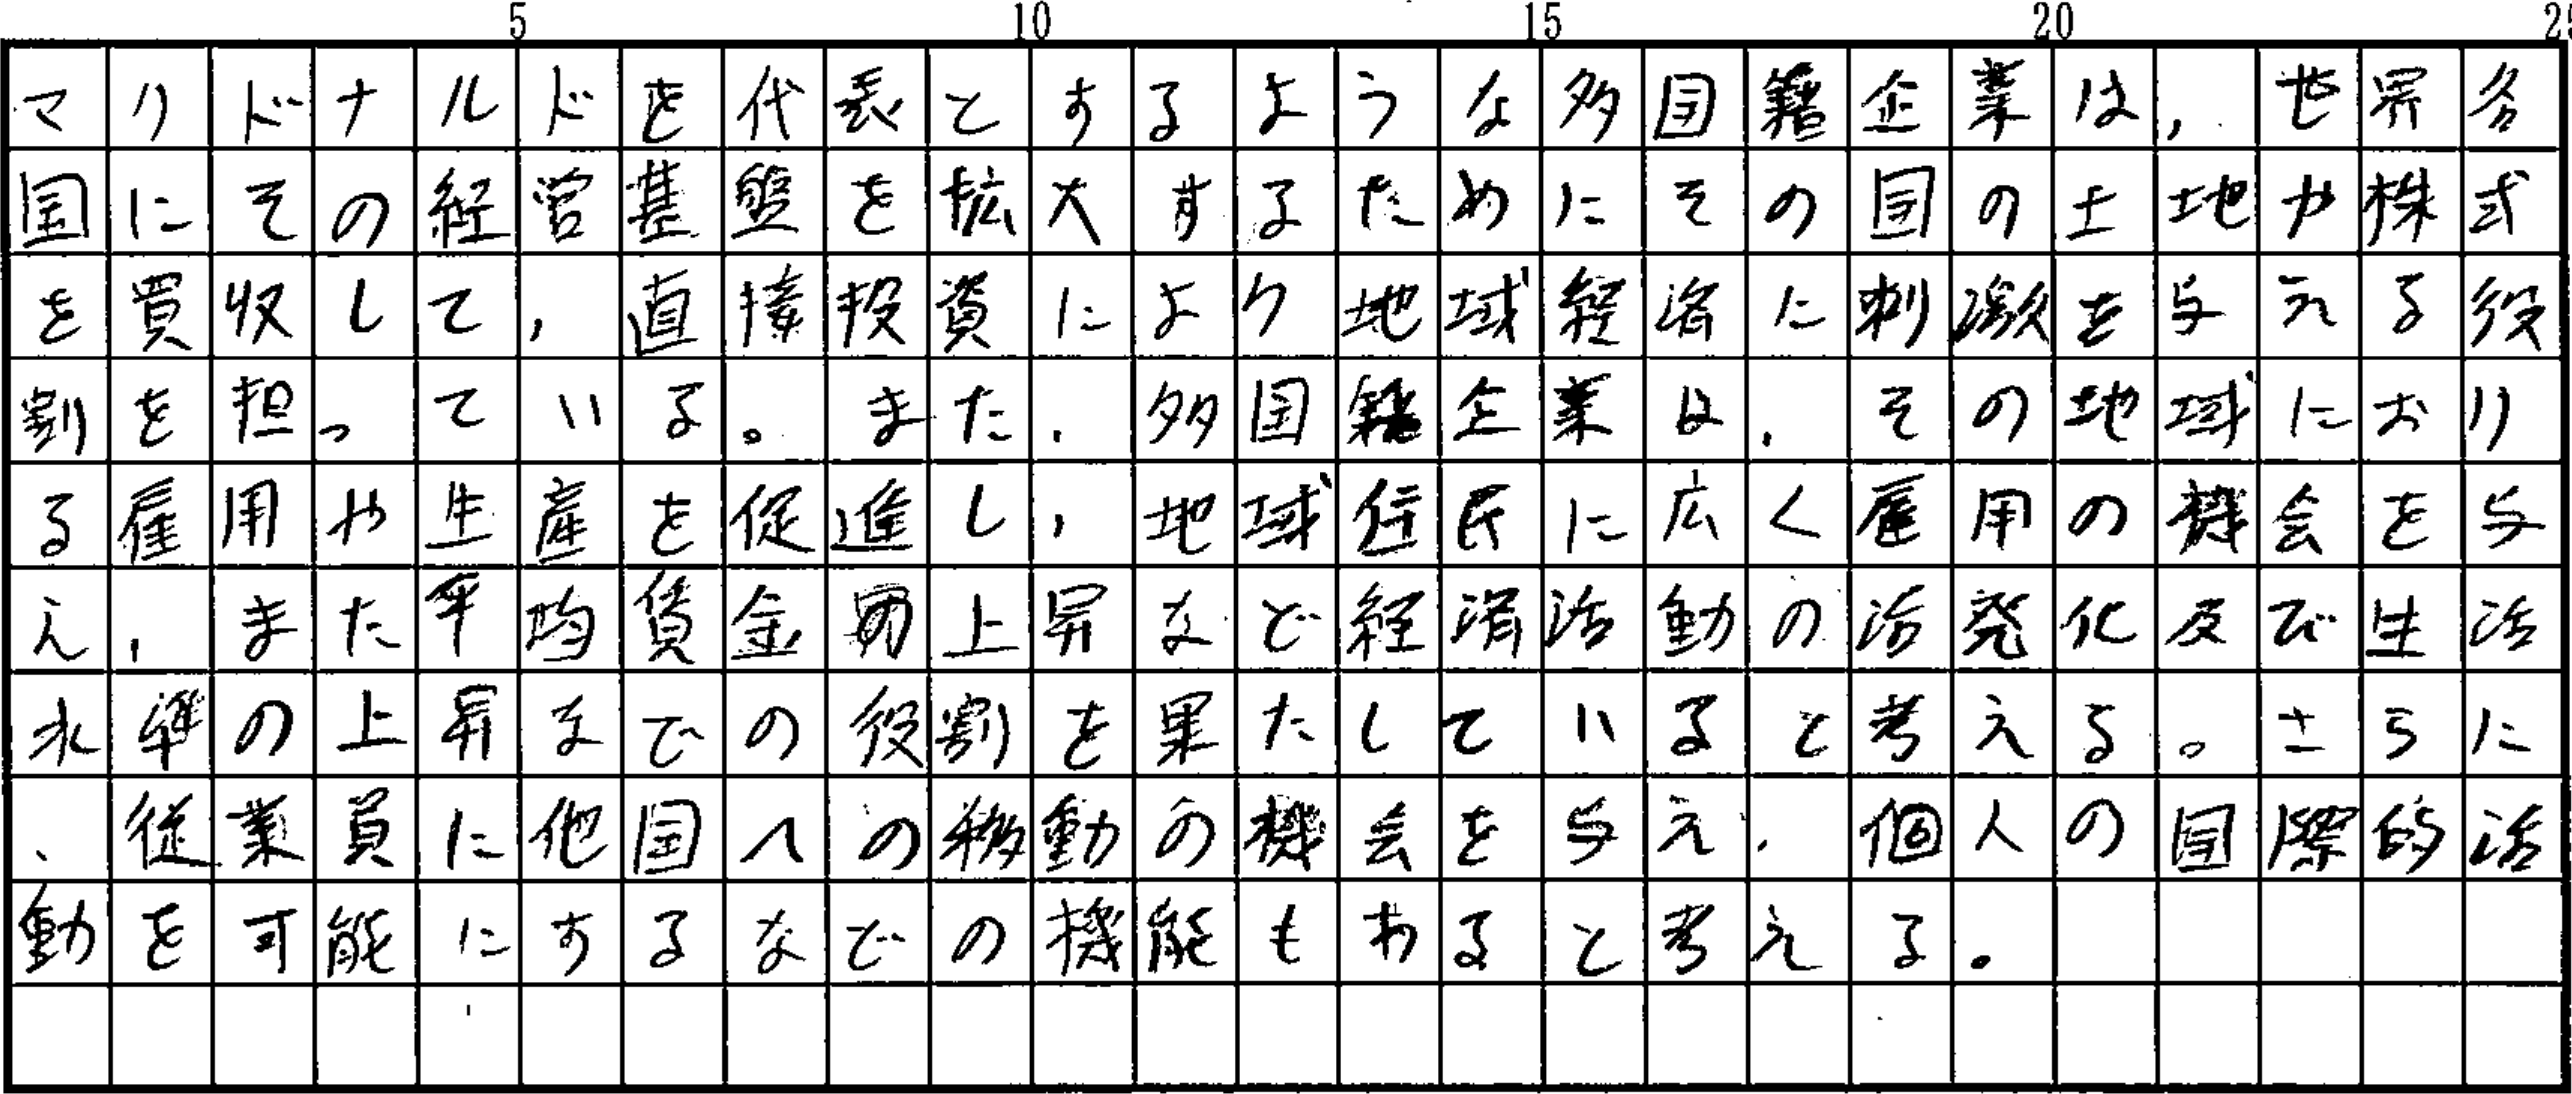マクドナルドを代表とするような多国籍企業は、世界各国にその経営基盤を拡大するためにその国の土地や株式を買収して、直接投資により地域経済に刺激を与える役割を担っている。また、多国籍企業は、その地域におりる雇用や生産を促進し、地域住民に広く雇用の機会を与え、また平均賃金の上昇など経済活動の活発化及び生活水準の上昇などの役割を果たしていると考える。さらに、従業員に他国への移動の機会を与え、個人の国際的活動を可能にするなどの機能もあると考える。
